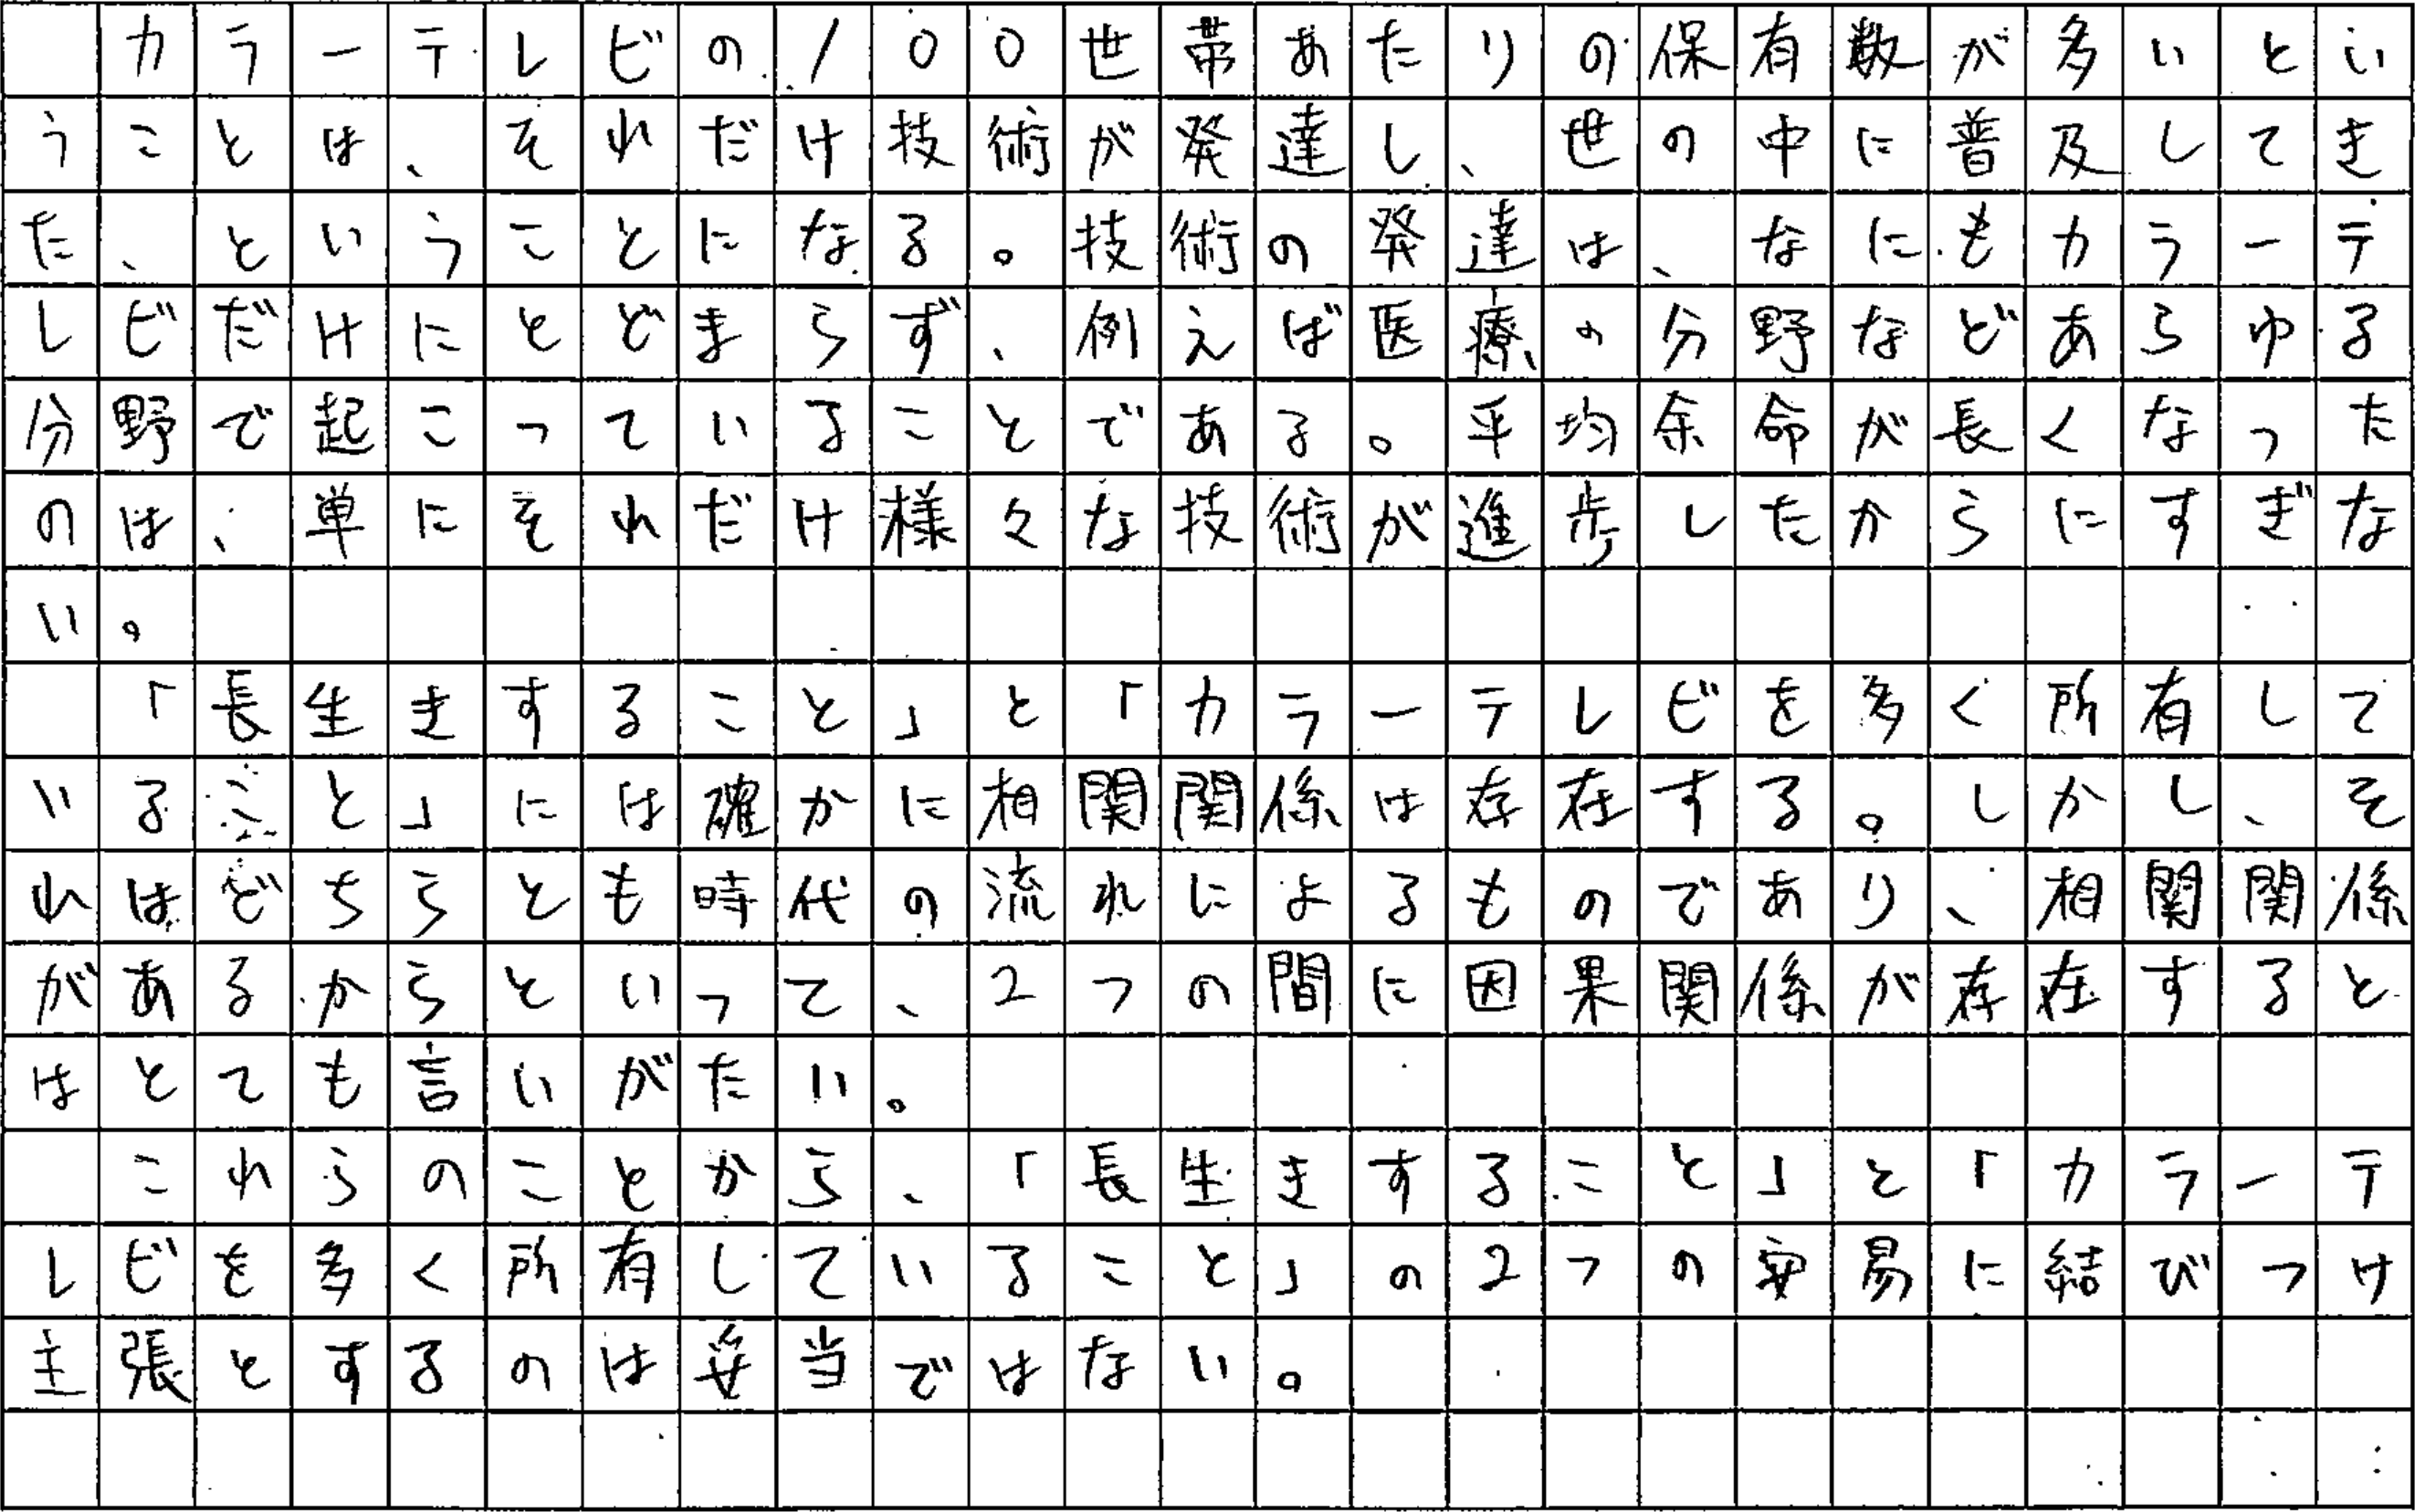　カラーテレビの１００世帯あたりの保有数が多いということは、それだけ技術が発達し、世の中に普及してきた、ということになる。技術の発達は、なにもカラーテレビだけにとどまらず、例えば医療の分野などあらゆる分野で起こっていることである。平均余命が長くなったのは、単にそれだけ様々な技術が進歩したからにすぎない。
　「長生きすること」と「カラーテレビを多く所有していること」には確かに相関関係は存在する。しかし、それはどちらとも時代の流れによるものであり、相関関係があるからといって、２つの間に因果関係が存在するとはとても言いがたい。
　これらのことから、「長生きすること」と「カラーテレビを多く所有していること」の２つの安易に結びつけ主張とするのは妥当ではない。
